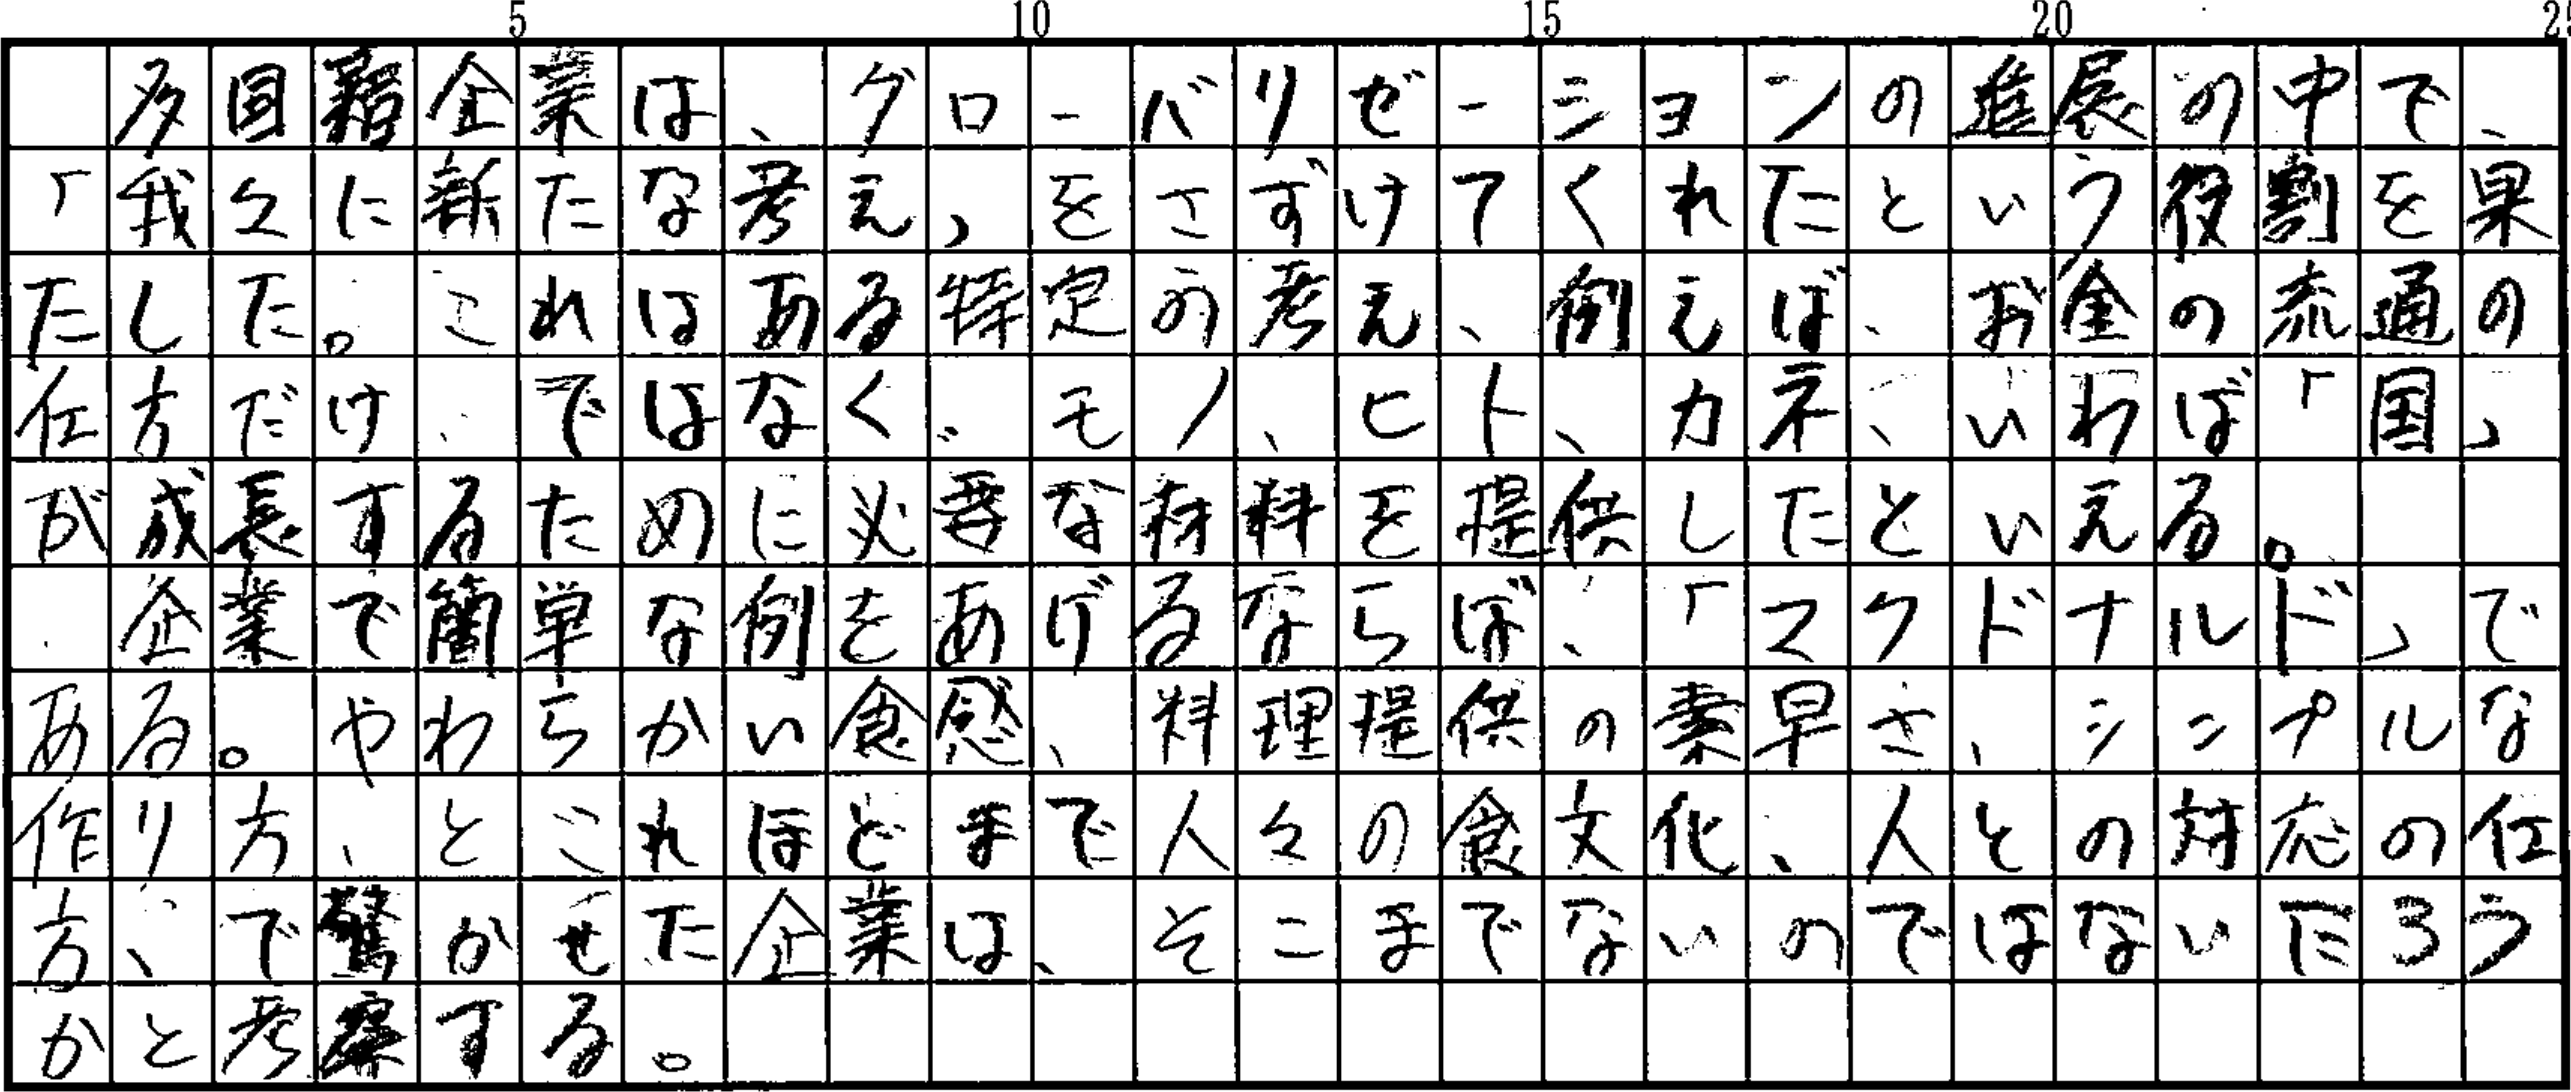  多国籍企業は、グローバリゼーションの進展の中で、「我々に新たな考え」をさずけてくれたという役割を果たした。これはある特定の考え、例えば、お金の流通の仕方だけ、ではなく、モノ、ヒト、カネ、いわば「国」が成長するために必要な材料を提供したといえる。
　企業で簡単な例をあげるならば、「マクドナルド」である。やわらかい食感、料理提供の素早さ、シンプルな作り方、とこれほどまで人々の食文化、人との対応の仕方、で驚かせた企業は、そこまでないのではないだろうかと考察する。
